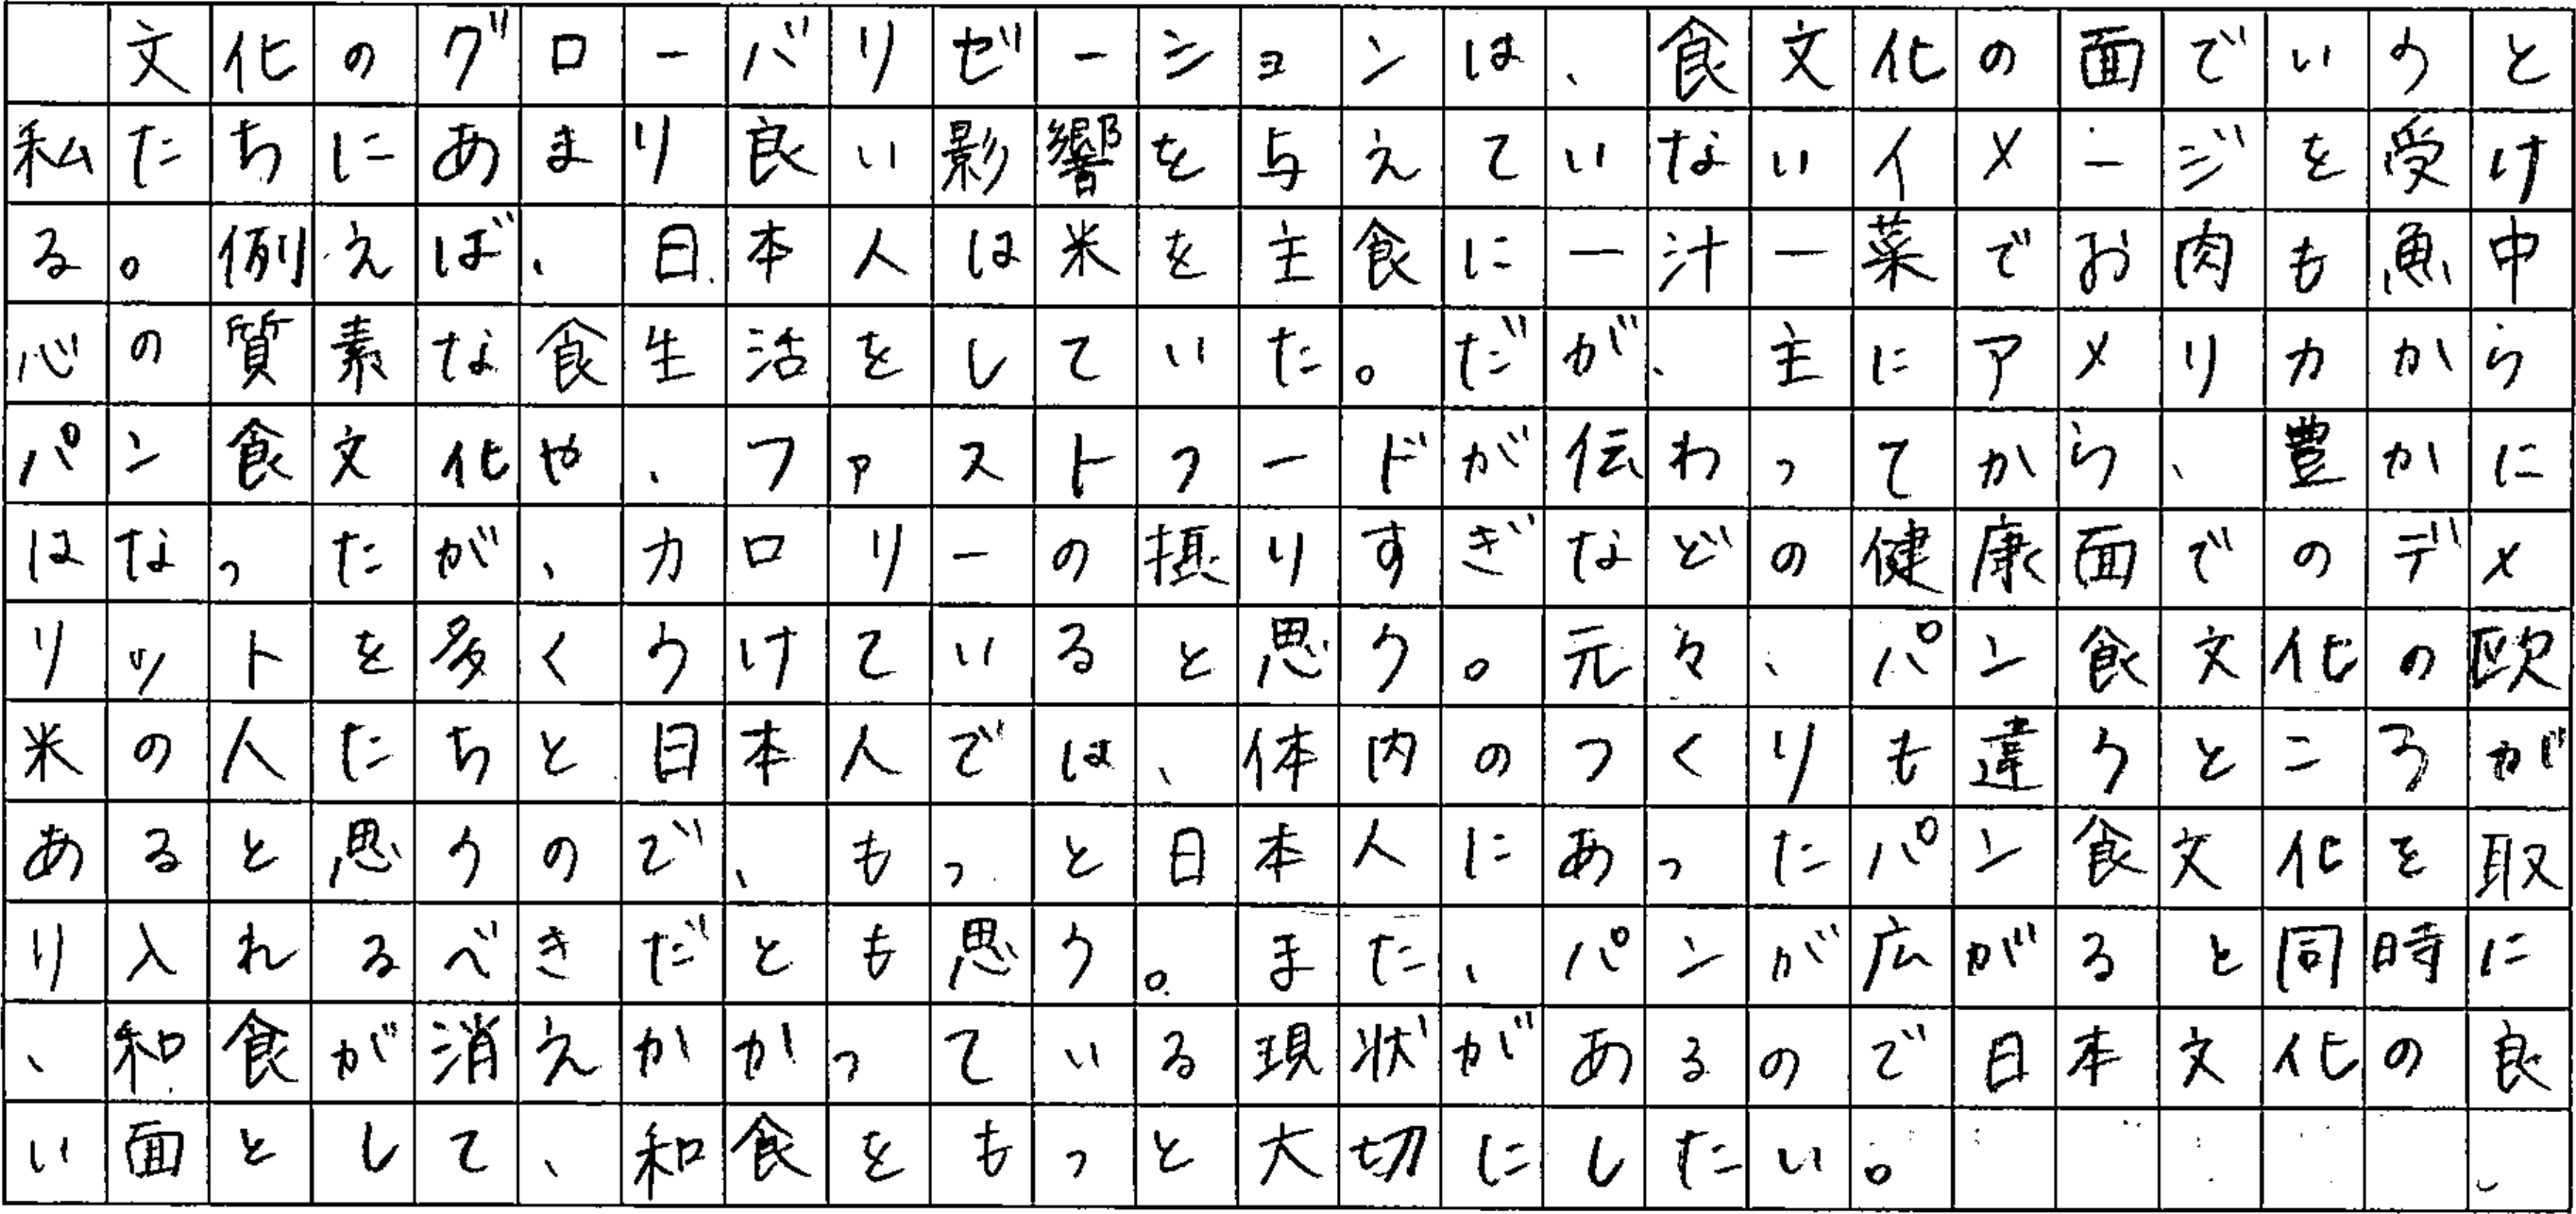　文化のグローバリゼーションは、食文化の面でいうと私たちにあまり良い影響を与えていないイメージを受ける。例えば、日本人は米を主食に一汁一菜でお肉も魚中心の質素な食生活をしていた。だが、主にアメリカからパン食文化や、ファストフードが伝わってから、豊かにはなったが、カロリーの摂りすぎなどの健康面でのデメリットを多くうけていると思う。元々、パン食文化の欧米の人たちと日本人では、体内のつくりも違うところがあると思うので、もっと日本人にあったパン食文化を取り入れるべきだとも思う。また、パンが広がると同時に、和食が消えかかっている現状があるので日本文化の良い面として、和食をもっと大切にしたい。
